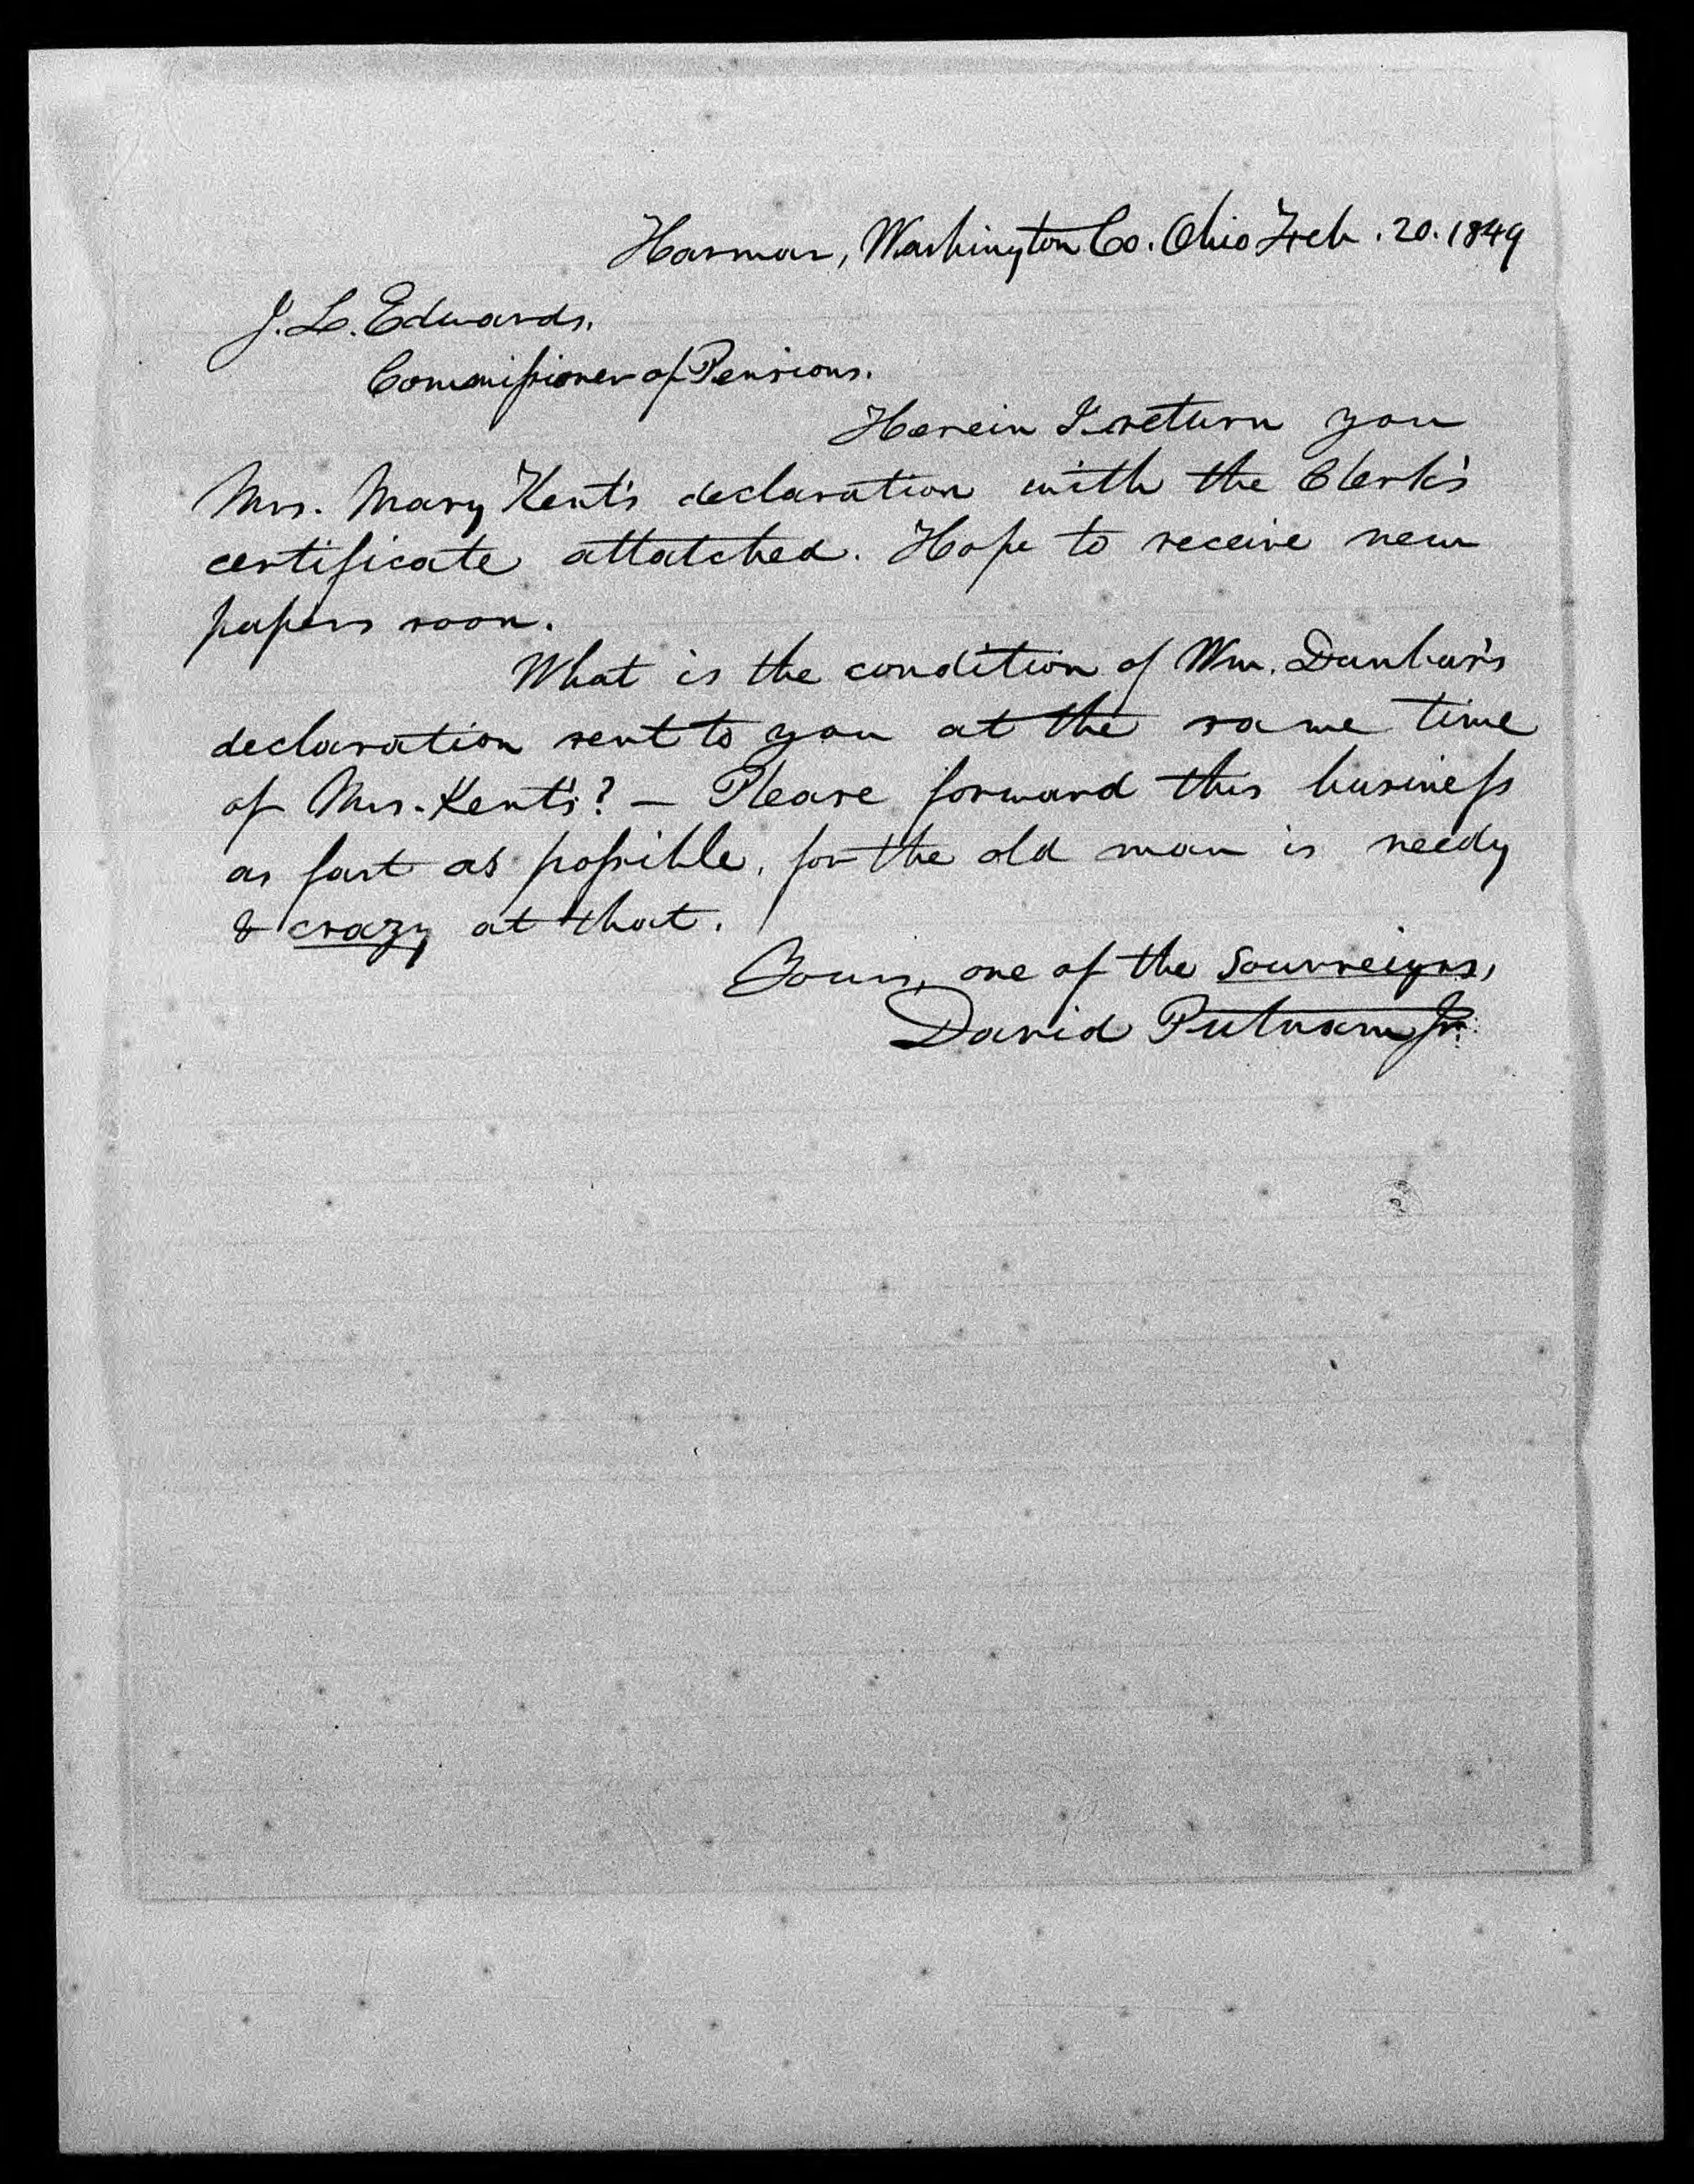Harmar, Washington Co. Ohio Feb. 20. 1849

J. L. Edwards,
Commissioner of Pensions.

Herein I return you Mrs. Mary Kent's declaration with the Clerk's certificate attached. Hope to receive new papers soon.
What is the condition of Wm. Dunbar's declaration sent to you at the same time of Mrs. Kent's? - Please forward this business as fast as possible, for the old man is needy & crazy at that.
Yours, one of the Souvreigns,
David Putman Jr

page: 23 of 50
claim: widow's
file: W. 4253, for John Kent, Vermont